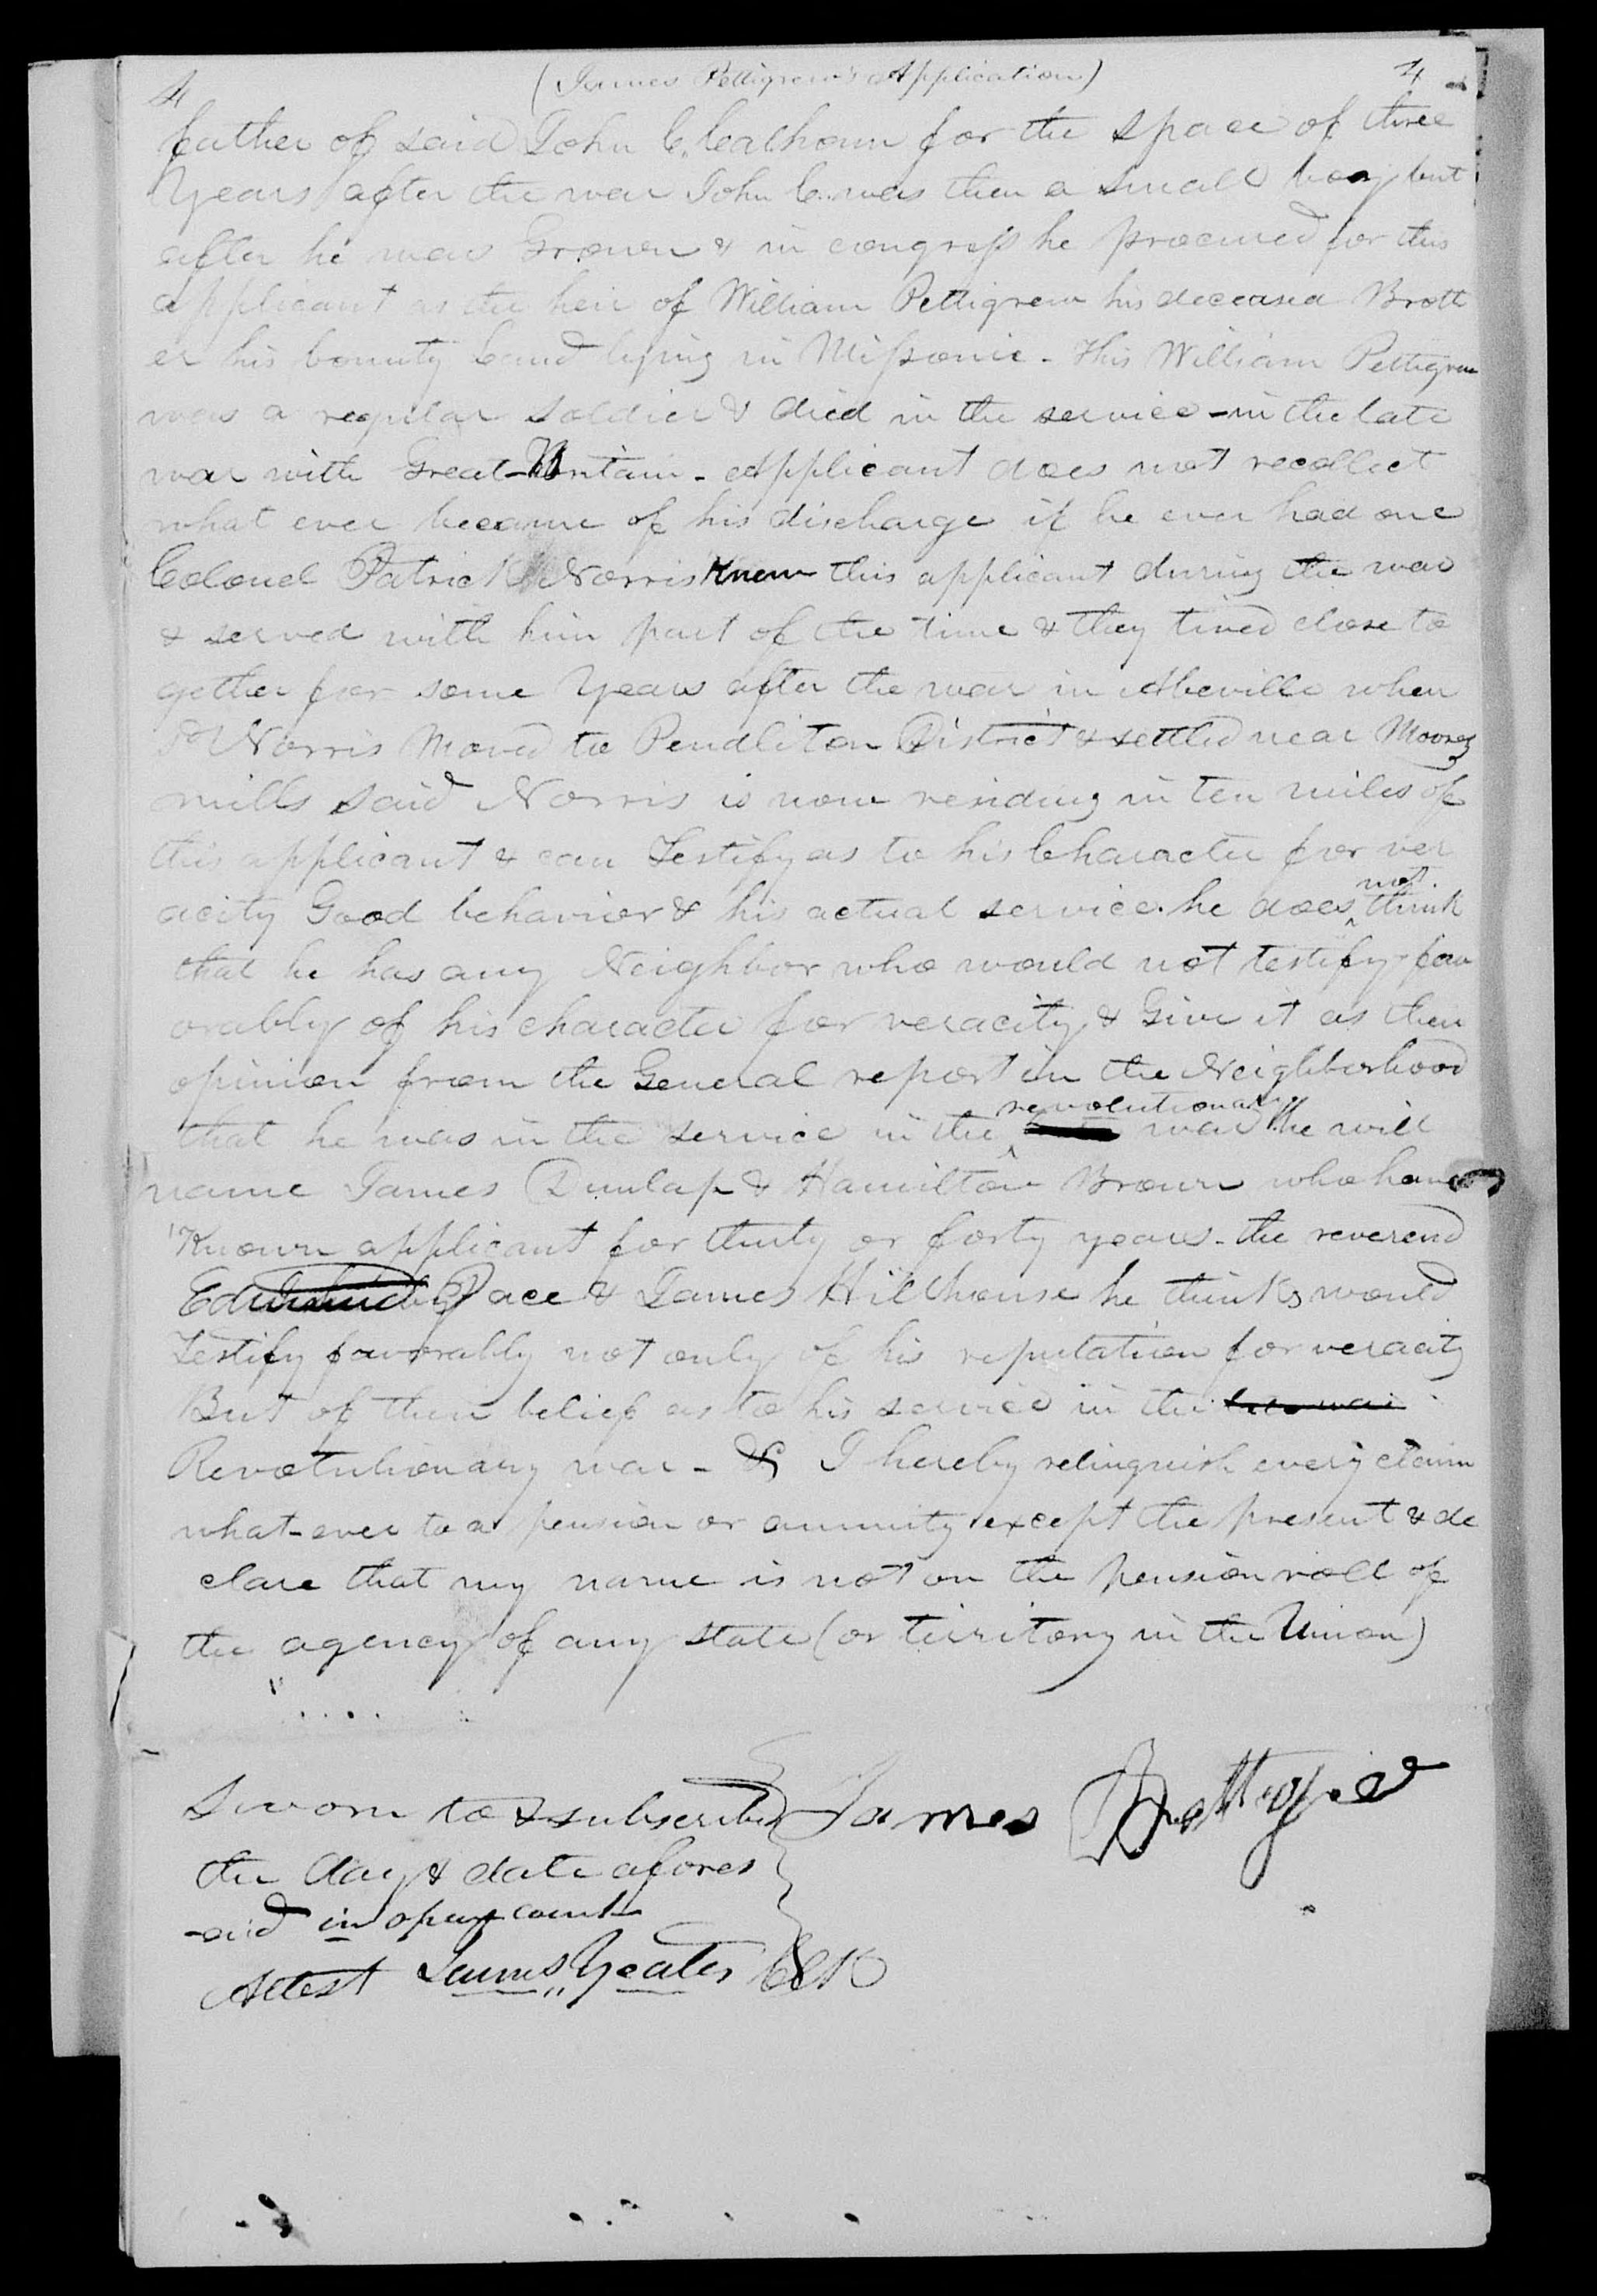(James Pettigrew's Application)                                          4
I father of said John C. Calhoun for the space of three
years after the war John C. was then a small boy but
after he was grown & in congress he procured for this
applicant as the heir of William Pettigrew his deceased Broth
er his bounty land lying in Missouri. This William Pettigrew 
was a regular soldier & died in the service in the late
war with great contain - Applicant does not recollect
what ever became of his discharge if he ever had one
Colonel Patrick Norris knew this applicant during the war
& served with him part of the time & they lived close to
gether for some years after the war in Abbeville when
Norris moved the Pendleton District & settled near Mooney
will said Norris is now residing in ten miles of
this applicant & can testify as to his character for ver
city good behavior & his actual service he does not think
that he has any Neighbor who would not testify 
favorably of his character for veracity & give it as their
opinion from the general report in the Neighborhood
that he was in the service in the revolutionary war  he will
name James Dunlap & Hamilton Brown who have
Known applicant for thirty or forty years, the reverend
Edwin Pace & James Hillhouse he thinks would
Testify favorably not only of his reputation for veracity
But of their belief as to his service in the
Revolutionary war, & I hereby relinquish every claim
whatever to a pension or annuity except the present & de
clare that my name is not on the pension roll of
the agency of any state (or territory in the Union)

Sworn to & subscribed                      James Pettigrew
the day & date afores
said in open court
Attest James Yeates Clk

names: Edmund Pace; John C Calhoun; Patrick Norris; James Pettigrew; Hamilton Brown; James Dunlap; James Geates; James Hillhouse; William Pettigrew; John Cavers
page: 22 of 92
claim: widow's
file: W. 5522, for James Pettigrew, South Carolina